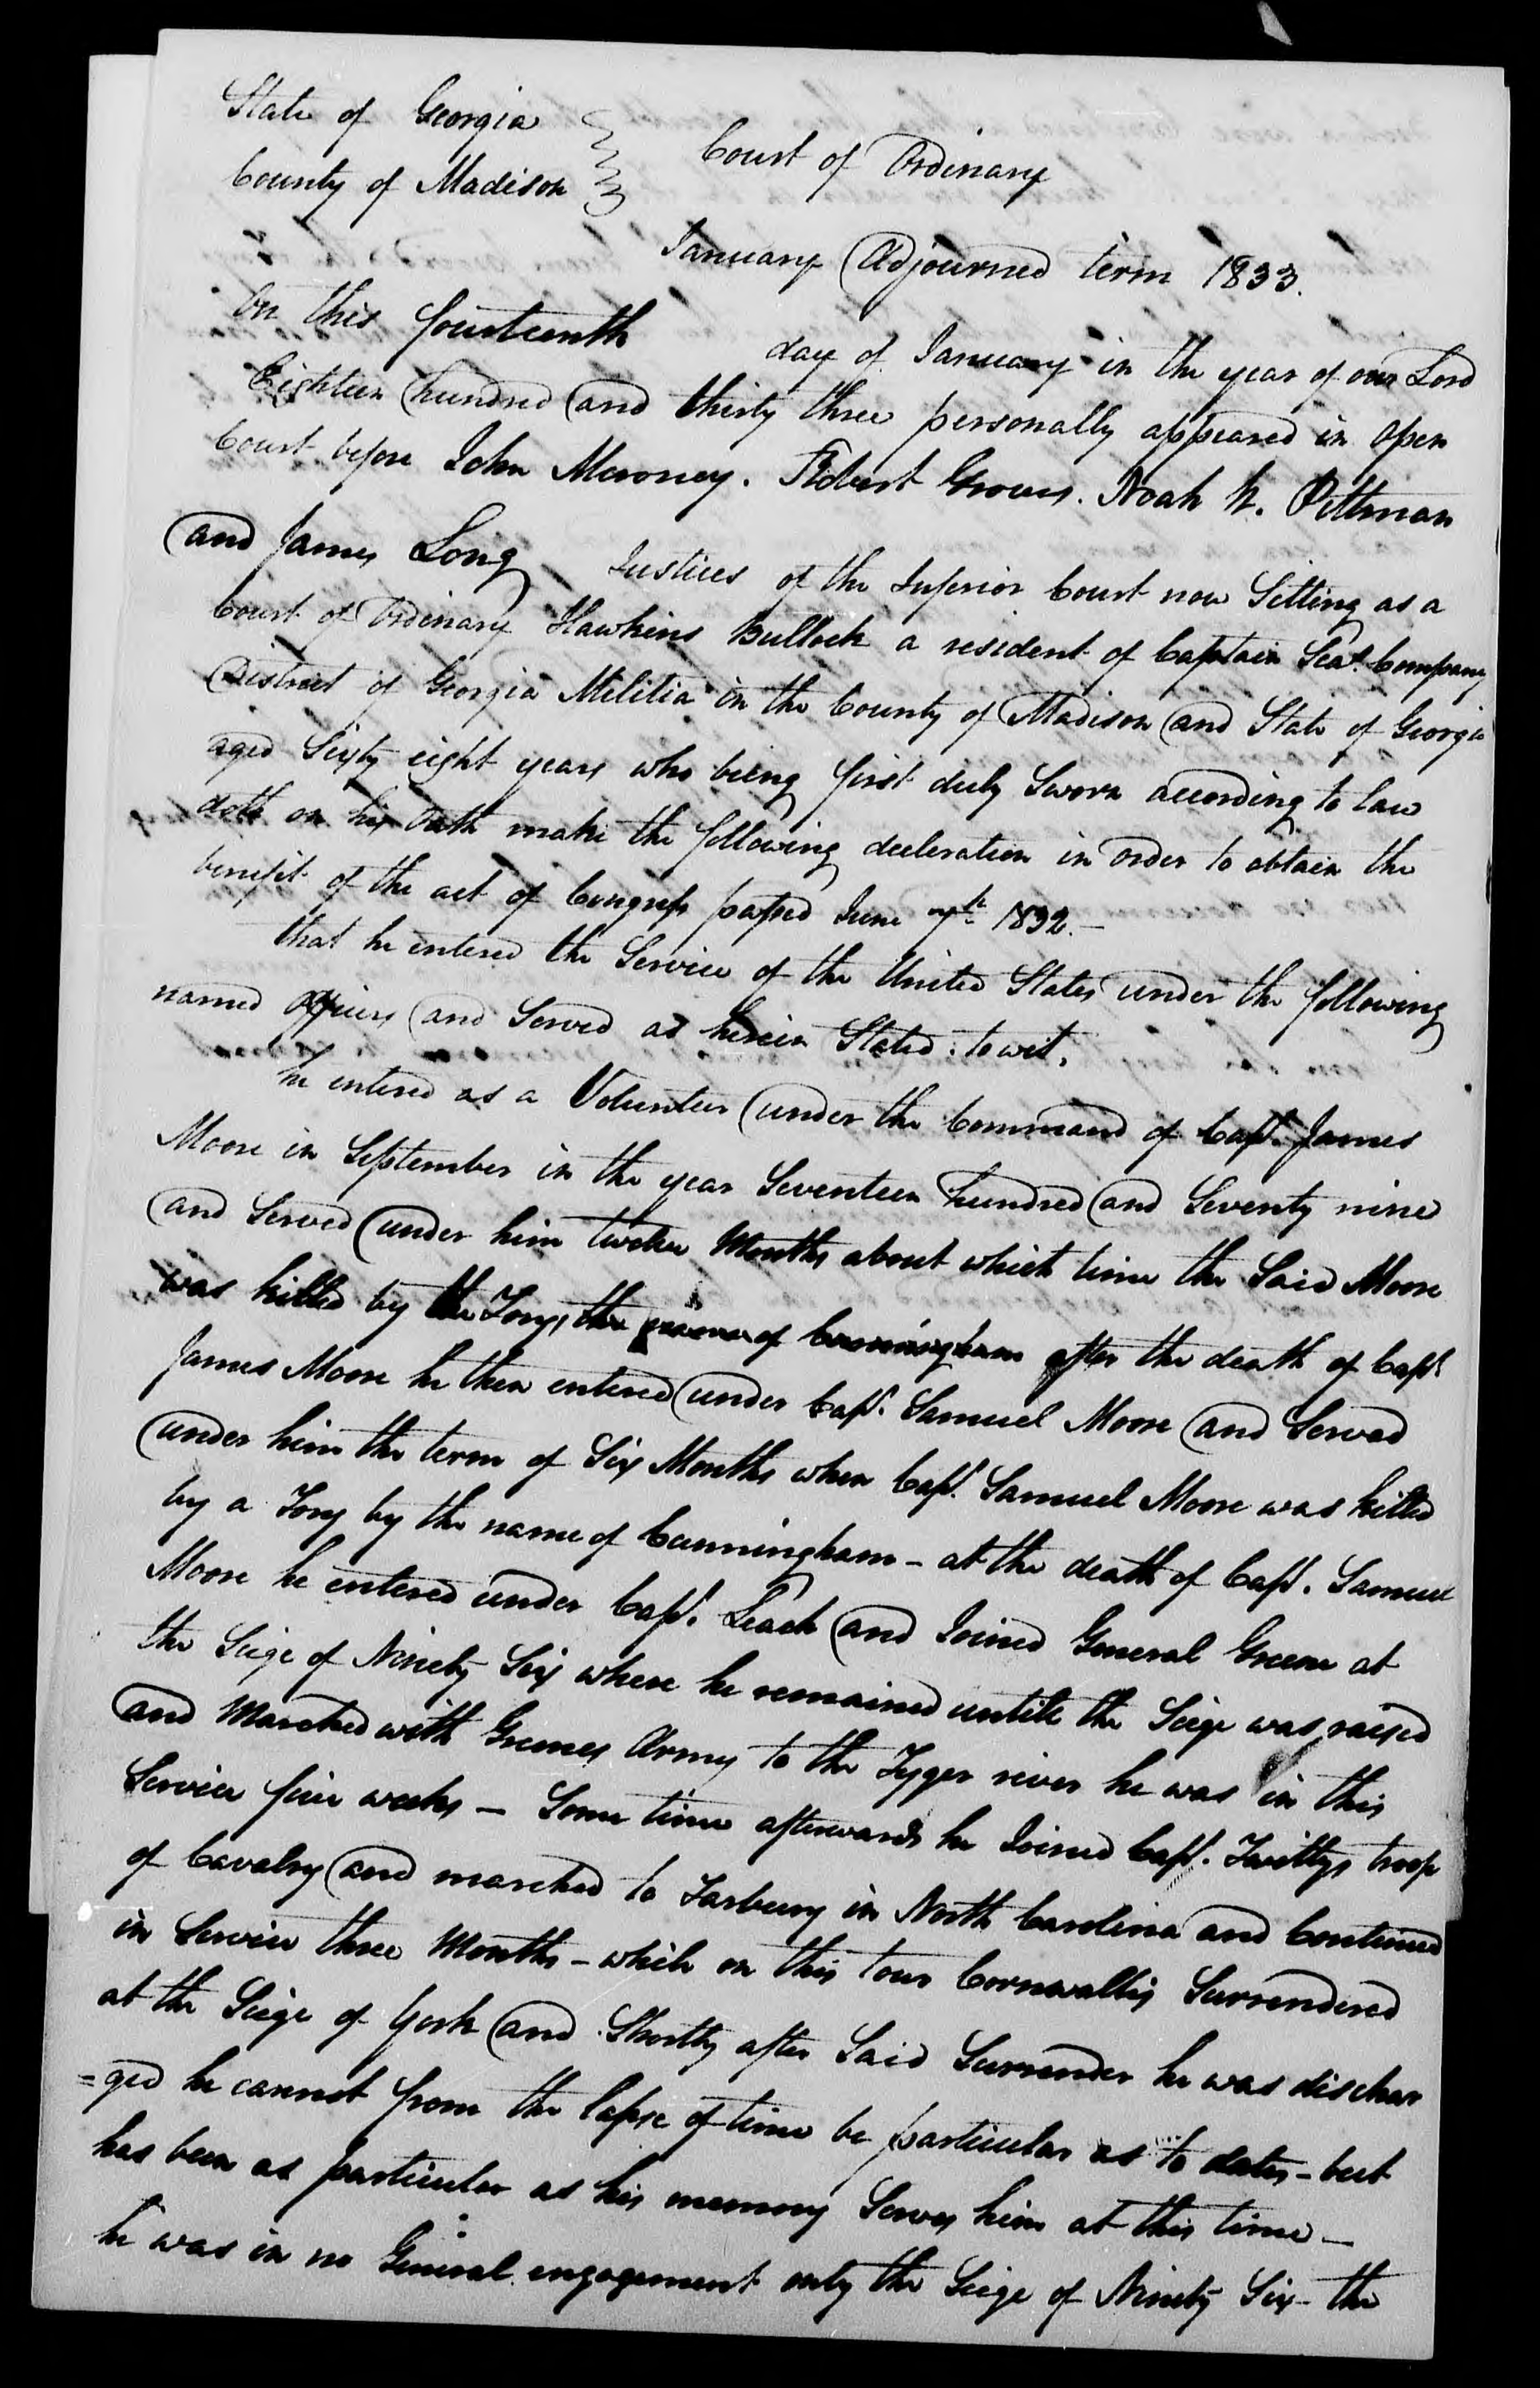State of Georgia
County of Madison Court of Ordinary 
January Adjourned term 1833.
On this fourteenth day of January in the year of our Lord Eighteen hundred and thirty three personally appeared in open Court before John Meroney, Robert Groves Noah W. Pittman and James Long Justices of the Inferior Court now sitting as a Court of Ordinary Hawkins Bullock a resident of Captain Seat Company District of Georgia Militia in the County of Madison and State of Georgia aged sixty eight years who being first duly sworn according to law doth on his oath make the following declaration in order to obtain the benefit of the act of Congress passed June 7th 1832.
That he entered the service of the United States under the following named officers and served as herein stated: to wit,
he entered as a volunteer under the command of Capt. James Moore in September in the year Seventeen hundred and Seventy nine and served under him twelve months about which time the said Moore was killed by the Torys, the prisoner of Cunningham after the death of Capt James Moore he then entered under Capt. Samuel Moore and served under him the term of six Months when Capt. Samuel Moore was killed by a Tory by the name of Cunningham, at the death of Capt. Samuel Moore he entered under Capt. Leach and joined General Greene at the siege of Ninety-Six where he remained until the siege was raised and marched with Greenes Army to the Tyger river he was in this service five weeks - Sometime afterwards he joined Capt. Twittys troop of Cavalry and marched to Tarbury in North Carolina and continued in service three months which on this tour Cornwallis surrendered at the Siege of York and shortly after said surrender he was discharged he cannot from the lapse of time be particular as to dates, but has been as particular as his memory serves him at this time, he was in no general engagement only the Siege of Ninety-Six, the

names: Leach, Noah W Pittman, Samuel Moore, James Long, John Meroney, Hawkins Bullock, Green, Robert Groves, Samuel Moore, Twitty, Samuel Moore, James Moore, James Moore, Moore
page: 3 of 24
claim: survivor's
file: S. 31,586, Hawkins Bullock, S.C.